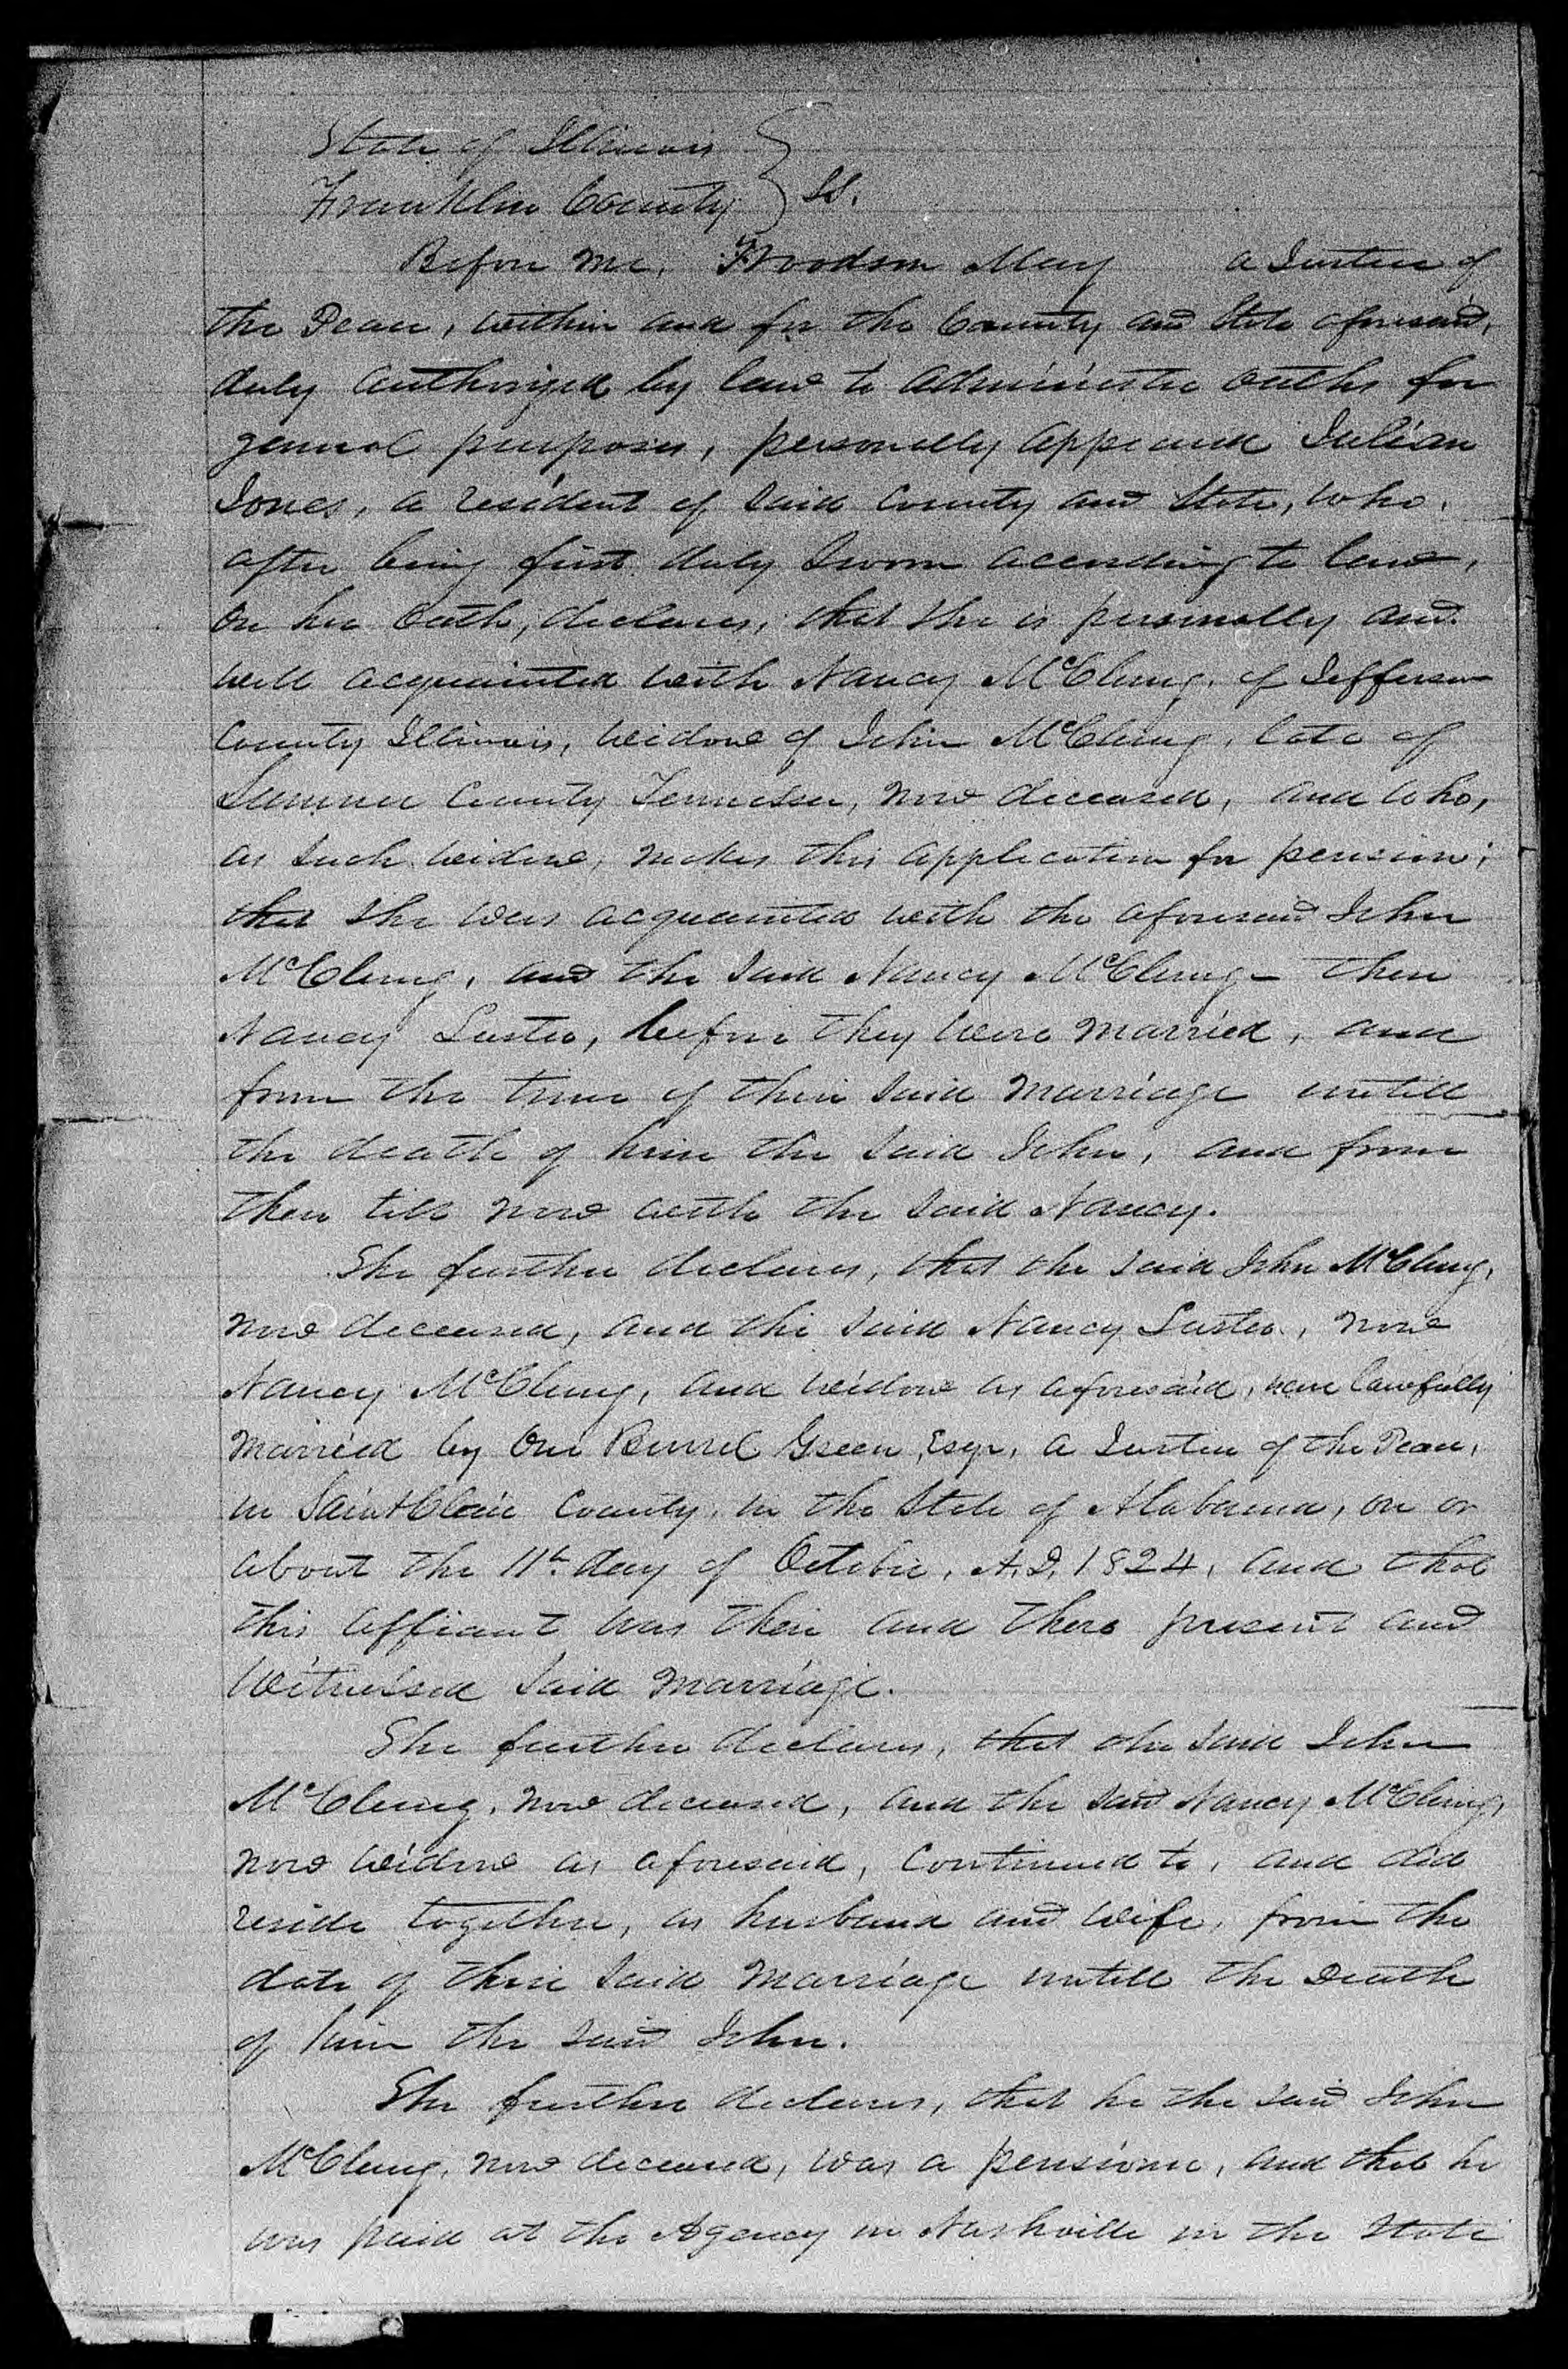State of Illinois } 
Franklin County } SS.  

Before me,Woodson May a Justice of 
the Peace, within and for the County and State aforesaid, 
duly authorized by law to administer oaths for 
general purposes, personally appeared Julian 
Jones, a resident of said County and State, who, 
after being first duly sworn according to law, 
on her oath, declares that she is personally and 
well acquainted with Nancy McClung, of Jefferson 
County Illinois, widow of John McClung, late of 
Sumner County Tennessee, now deceased, and who, 
as such widow, makes this application for pension; 
that she was acquainted with the aforesaid John 
McClung, and the said Nancy McClung, then 
Nancy Luster, before they were married, and 
from the time of their said marriage untill [until] 
the death of him the said John, and from 
then till now with the said Nancy.

She further declares, that the said John McClung, 
now deceased, and the said Nancy Luster, now 
Nancy McClung, and widow as aforesaid, were lawfully 
married by one Burrel Green, Esqr, a Justice of the Peace,
in Saint Clair County, in the State of Alabama, on or 
about the 11th day of October, A.D. 1824, and that 
this affiant was then and there present and 
witnessed said marriage.

She further declares, that the said John 
McClung, now deceased, and the said Nancy McClung, 
now widow as aforesaid, continued to, and did 
reside together, as husband and wife, from the 
date of their said marriage untill [until] the death 
of him the said John.

She further declares, that he the said John 
McClung, now deceased, was a pensioner, and that he 
was paid at the Agency in Nashville in the State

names: John Mc Clung; Burrel Green; Nancy Mc Clung; Woodson May; Julian Jones; Nancy Luster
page: 29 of 115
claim: widow's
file: W. 1446, for John Mc Clung, South Carolina